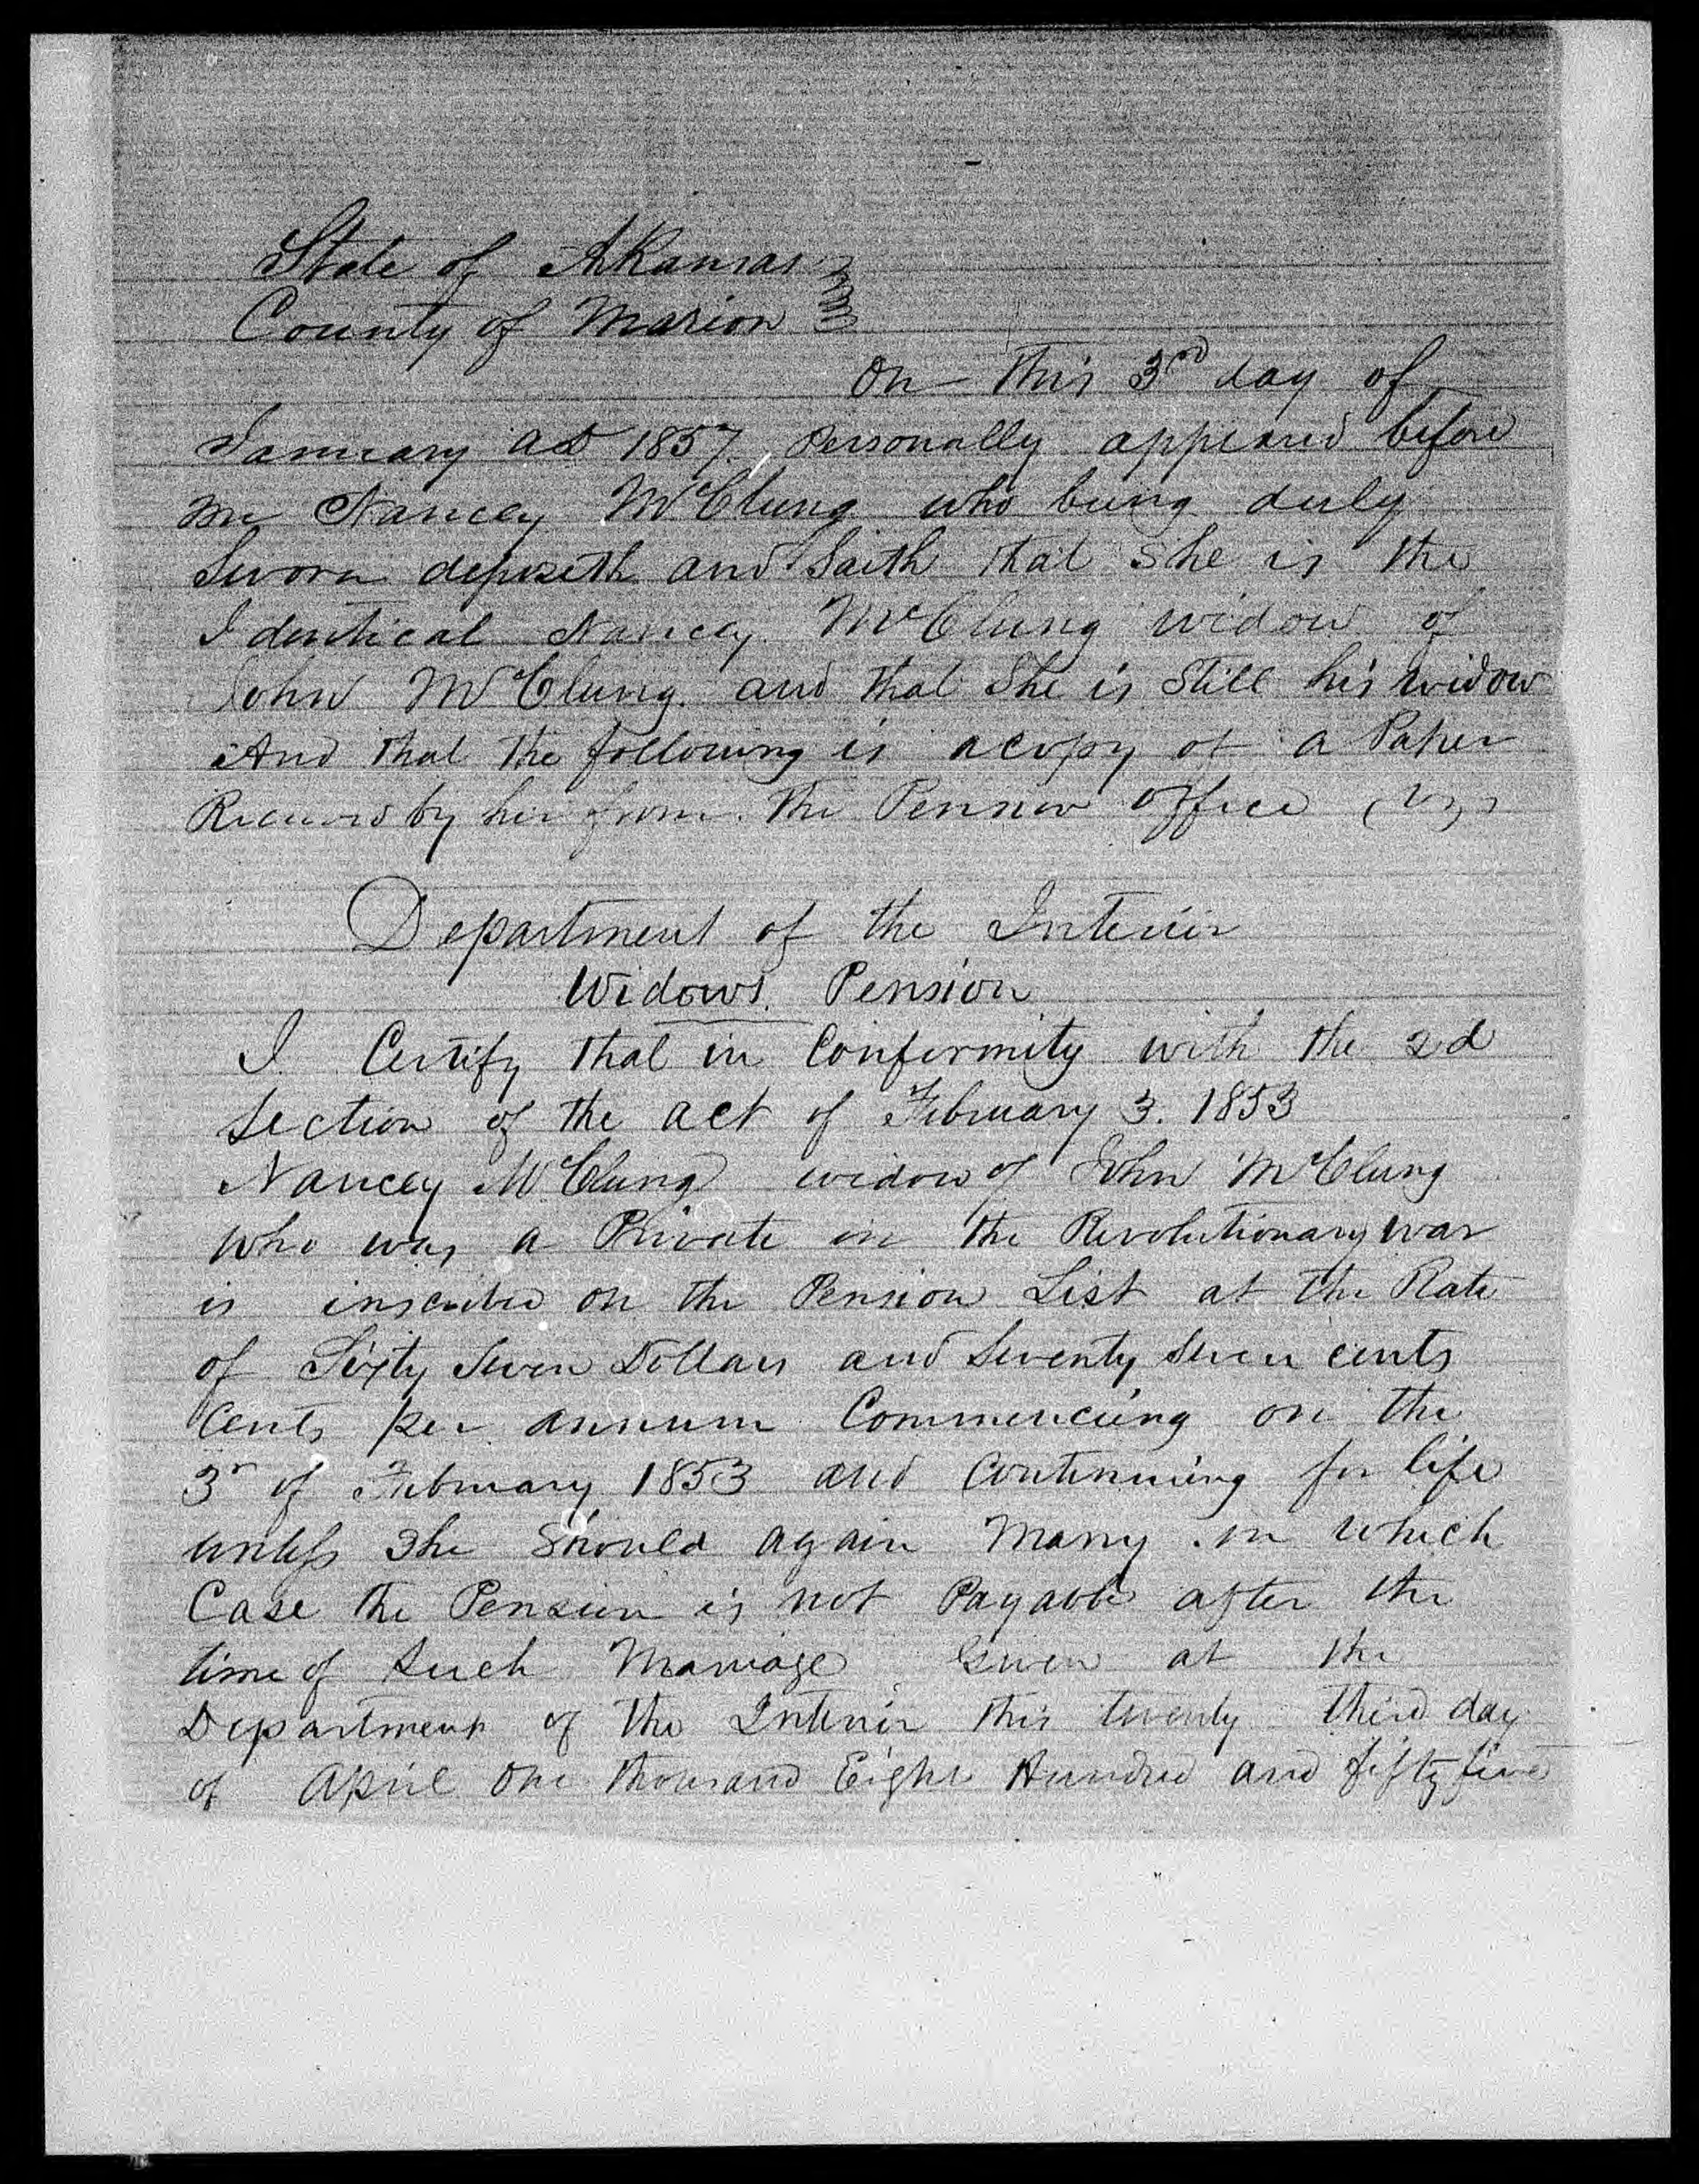State of Arkansas
County of Marion
On this 3rd day of January AD 1857 personally appeared before me Nancey McClung who being duly Sworn deposeth and Saith that she is the Identical Nancy McClung widow of John McClung, and that she is still his widow And that the following is copy of a paper Received by her from the Pension office

Department of the Interior
Widows Pension
I Certify that in conformity with the 2d Section of the act of February 3, 1853 Nancey McClung widow of John McClung who was a Private in the Revolutionary war is inscribed on the Pension List at the Rate of Sixty Seven Dollars and Seventy seven cents Cents per annum commencing on the 3d of February 1853 and continuing for life unless she should again Marry in which case the Pension is not
Payable after the time of such Marriage. Given at the Department of the Interior this twenty third day
April one thousand Eight Hundred and fifty five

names: Nancey Mc Clung; John Mc Clung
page: 71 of 115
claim: widow's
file: W. 1446, for John Mc Clung, South Carolina